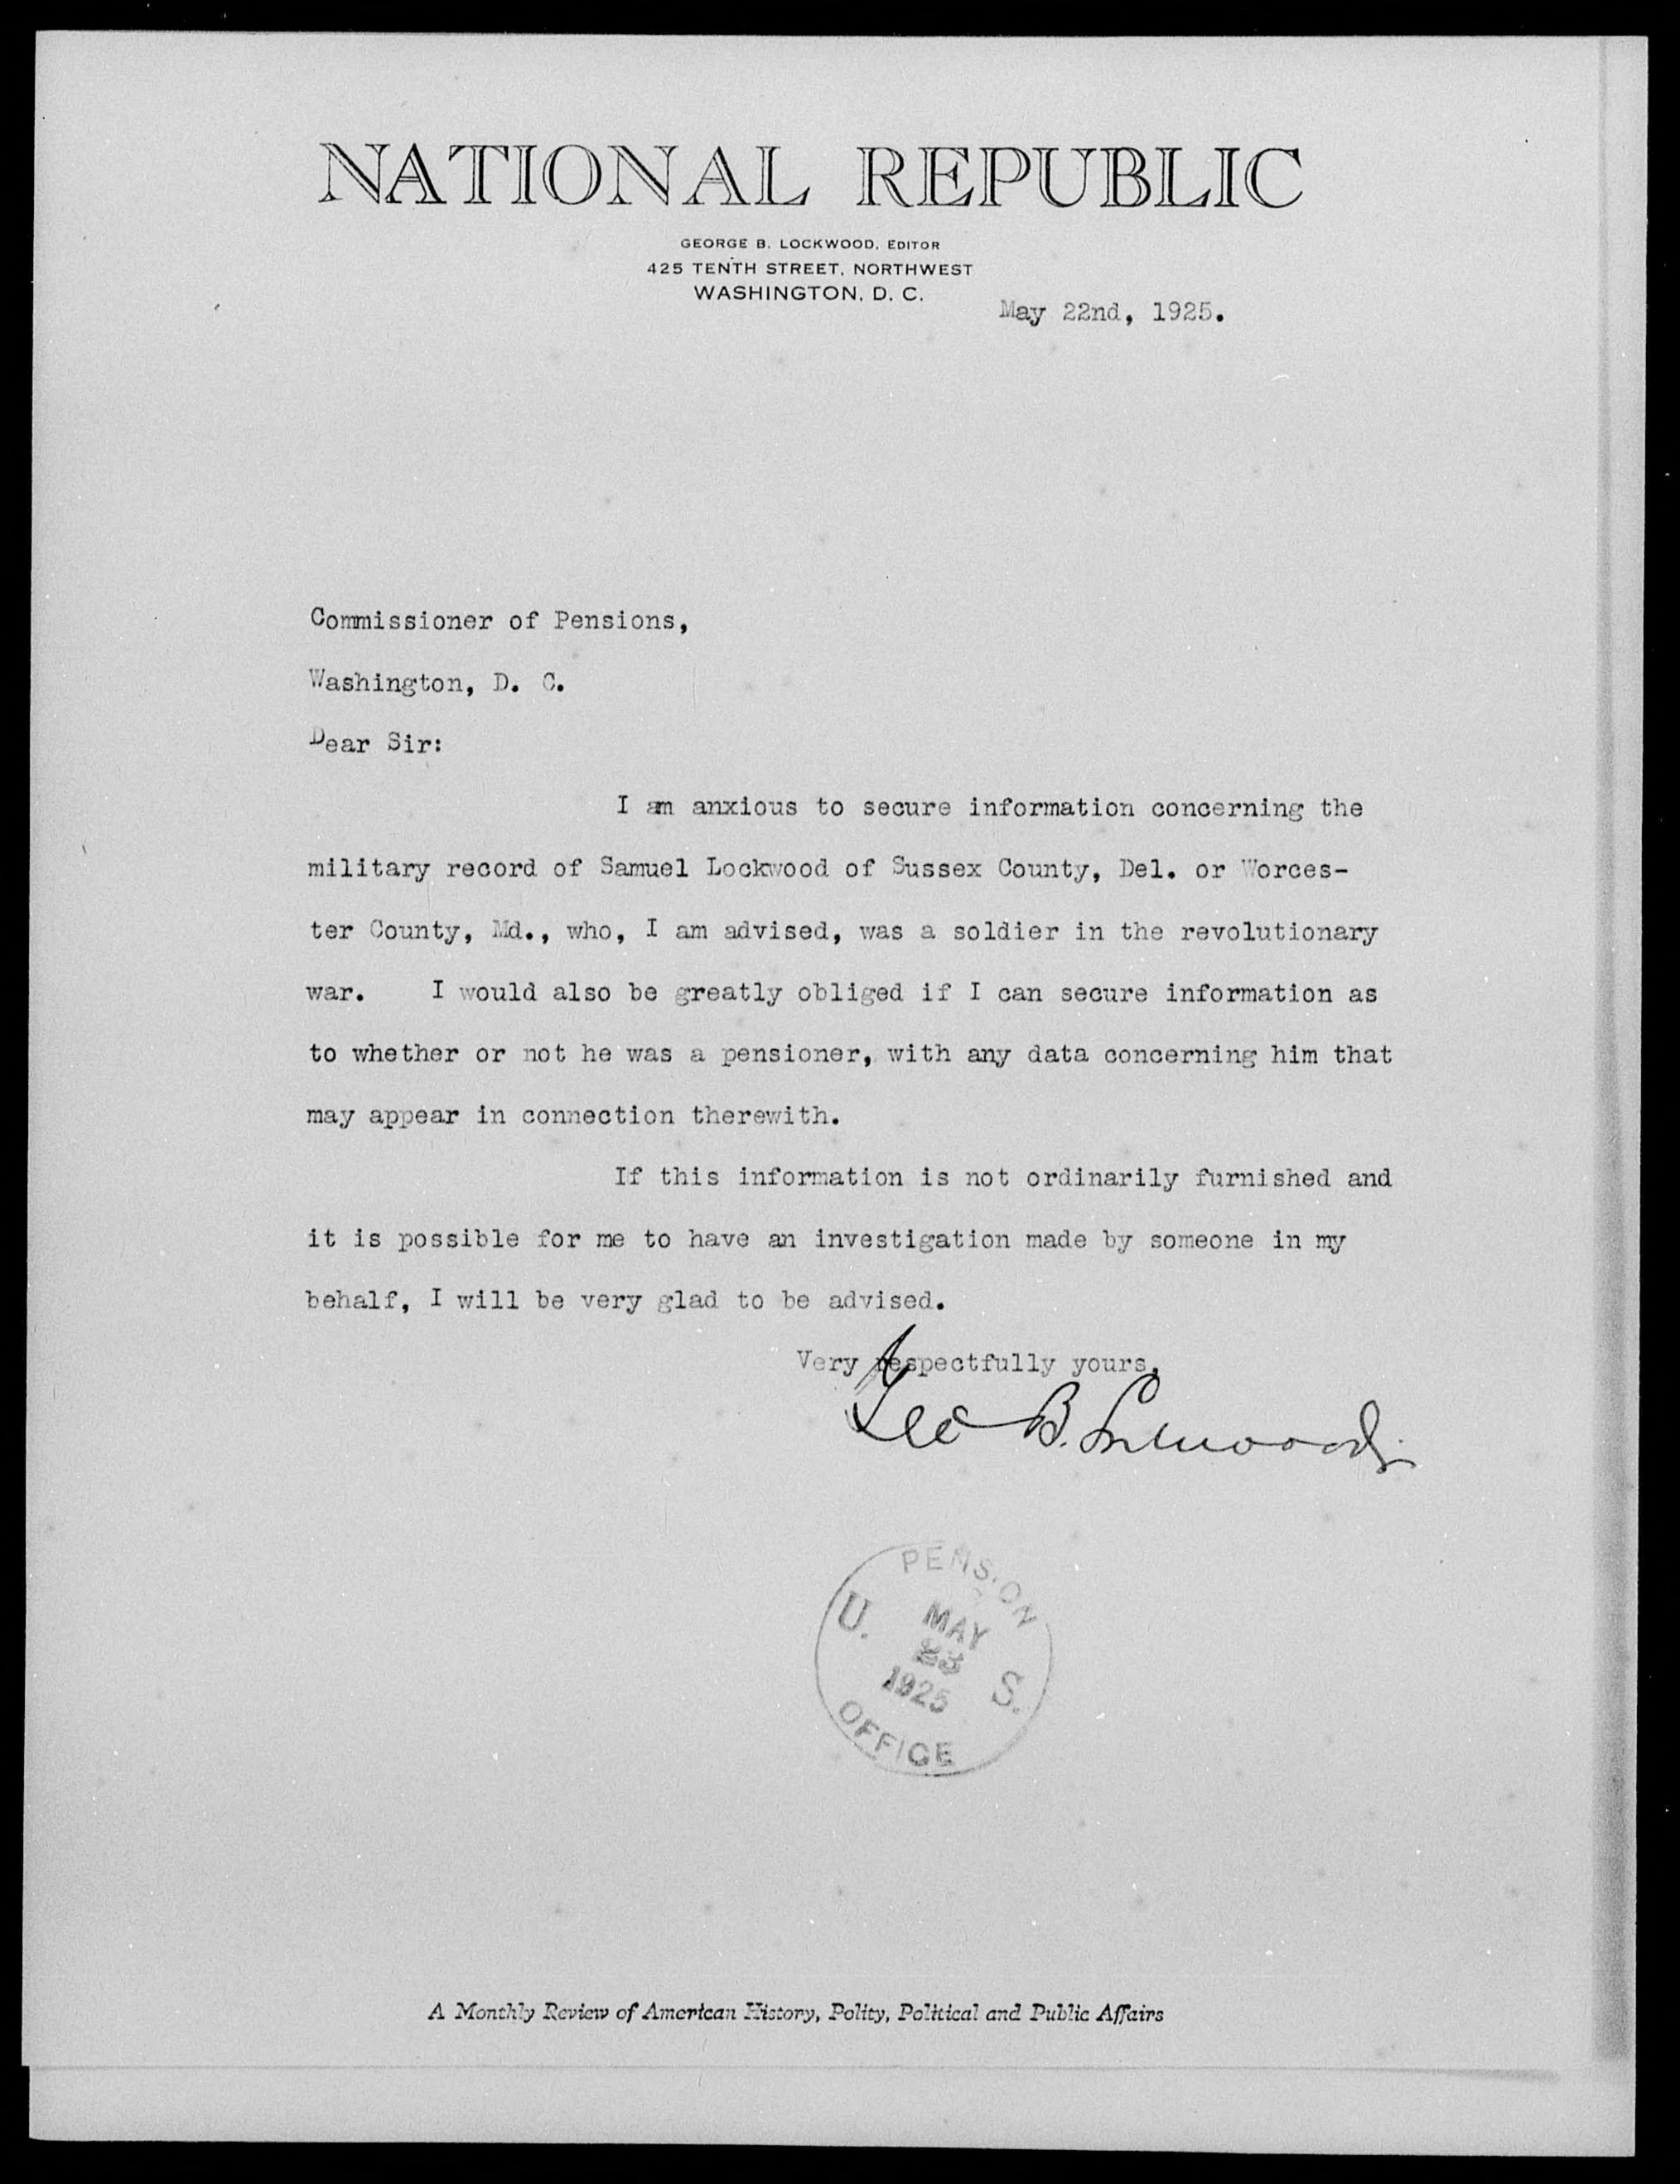NATIONAL REPUBLIC
GEORGE B. LOCKWOOD EDITOR
425 TENTH STREET, NORTHWEST
Washington, D. C.
May 22nd, 1925.

Commissioner of Pensions,
WASHINGTON, D. C.

Dear Sir:
I am anxious to secure information concerning the
military record of Samuel Lockwood of Sussex County, Del. or Worcester
County, Md., who, I am advised, was a soldier in the revolutionary war. I would also be greatly obliged if I can secure information as
to whether or not he was a pensioner, with any data concerning him that may appear in connection therewith.
If this information is not ordinarily furnished and
it is possible for me to have an investigation made by someone in my behalf, I will be very glad to be advised.
Very Respectfully yours
(signature) Geo. B. Lockwood.

(stamped) US Pension Office May 23, 1925
A Monthly Review of American History, Policy, Political and Public Affairs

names: George B Lockwood; Samuel Lockwood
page: 18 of 25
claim: survivor's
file: S. 13789, for Samuel Lockwood, Delaware